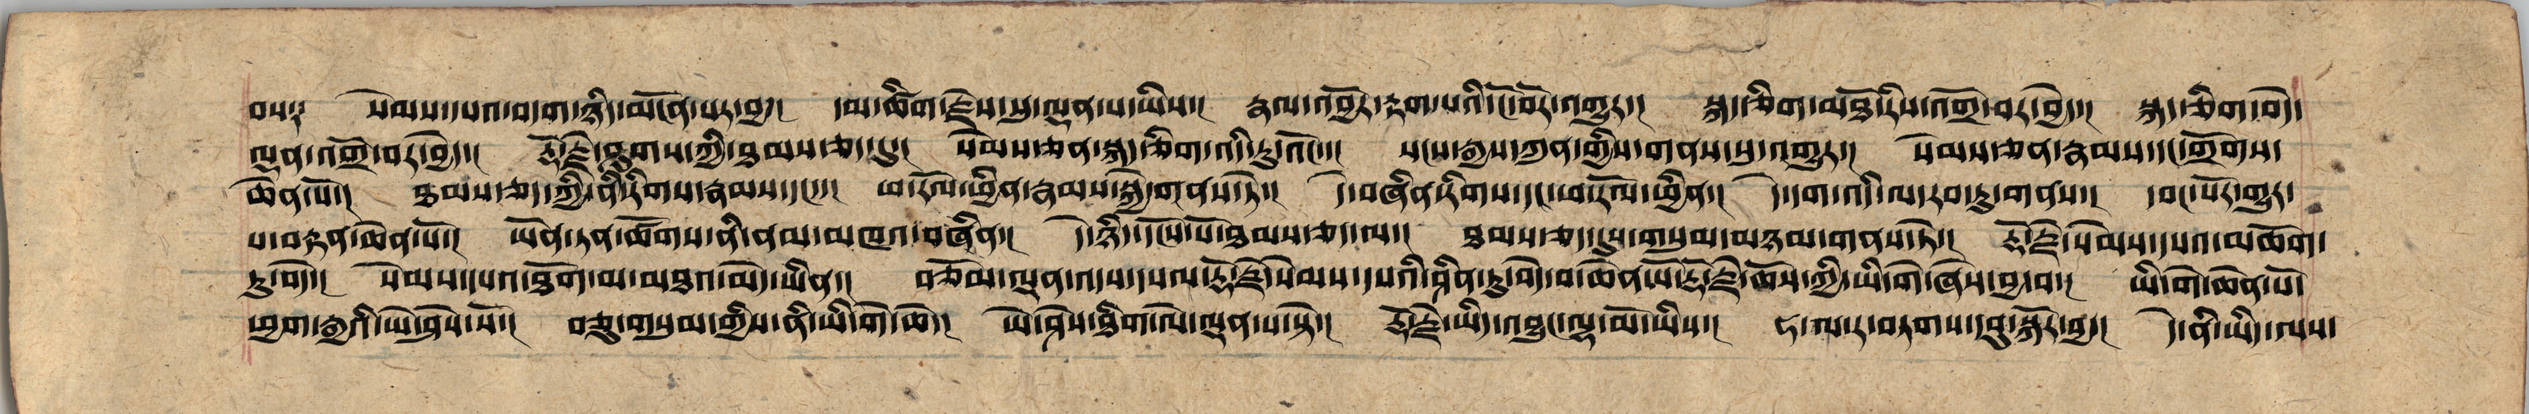བས༑ སེམས་དཔའ་བདག་ཉིད་མངོན་པར་བྱ་། དམ་ཚིག་རྗེས་སུ་ལྡན་པ་་ཡིས་། རྣལ་འབྱོར་རྟོག་པའི་ངོ་བོར་འགྱུར་། སྐད་ཅིག་མཐོ་རིས་འགྲོ་བར་བྱེད་། སྐད་ཅིག་བདེ་
ལྡན་འགྲོ་བར་བྱེད་། རྡོ་རྗེ་ཤུགས་ཀྱི་ཐམས་ཅད་དུ་། སེམས་ཅན་སྐད་ཅིག་འདི་རུ་འོང་་། སངས་རྒྱས་ཀུན་གྱིས་གནས་སུ་འགྱུར་། སེམས་ཅན་རྣམས་དང་གྲོགས་
ཆེན་པོ་། ཐམས་ཅད་ཀྱི་ནི་རིགས་རྣམས་དང་་། ཕ་་རོལ་ཕྱིན་རྣམས་སྐྱེ་གནས་ཏེ་། དེ་བཞིན་རིགས་དང་ཕ་རོལ་ཕྱིན་། དེ་དག་འདི་ལ་རབ་ཏུ་གནས་། དབང་པོར་གྱུར་
པ་བརྟན་ཆེན་པོ་། ཡོན་ཏན་ཚོགས་ནི་ནམ་མཁའ་བཞིན་། དེ་ཉིད་དངོས་པོ་ཐམས་ཅད་ལ་། ཐམས་ཅད་དུས་གསུམ་མཉམ་གནས་ཏེ་། རྡོ་རྗེ་སེམས་དཔའ་མཆོག་
ཏུ་བདེ་། སེམས་དཔའ་ཐོག་མ་མཐའ་མེད་ཡིན་། བཅོམ་ལྡན་འདས་དཔལ་རྡོ་རྗེ་སེམས་དཔའི་ཤིན་ཏུ་བདེ་བ་ཆེན་པོ་རྡོ་རྗེ་ཆོས་ཀྱི་ཡི་གེ་ཞེས་བྱ་བ་། ཡི་གེ་ཆེན་པོ་
ཕྱག་རྒྱའི་ཡེ་ཤེས་སོ་། བཅུ་གསུམ་གྱིས་ནི་ཡི་གེ་ཆེ་། ཡེ་ཤེས་ཐིག་ལེ་ལྡན་པ་སྟེ་། རྡོ་རྗེ་ཡིད་འབྱུང་ལྷ་མོ་ཡིས་། ཧ་ལ་ར་བཏགས་དབུ་སྐོར་བྱ་། དེ་ནི་ཡིད་ལས་